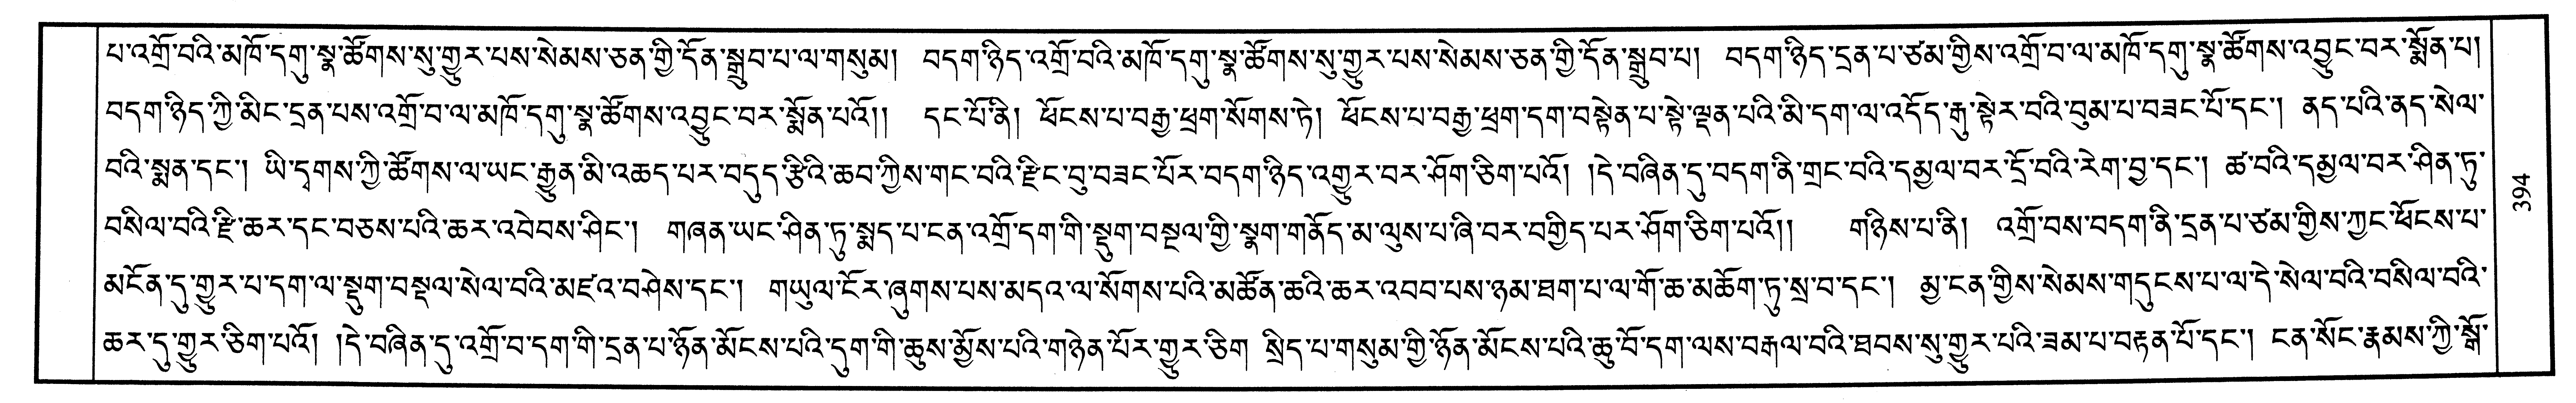པ་འགྲོ་བའི་མཁོ་དགུ་སྣ་ཚོགས་སུ་གྱུར་པས་སེམས་ཅན་གྱི་དོན་སྒྲུབ་པ་ལ་གསུམ། བདག་ཉིད་འགྲོ་བའི་མཁོ་དགུ་སྣ་ཚོགས་སུ་གྱུར་པས་སེམས་ཅན་གྱི་དོན་སྒྲུབ་པ། བདག་ཉིད་དྲན་པ་ཙམ་གྱིས་འགྲོ་བ་ལ་མཁོ་དགུ་སྣ་ཚོགས་འབྱུང་བར་སྨོན་པ།
བདག་ཉིད་ཀྱི་མིང་དྲན་པས་འགྲོ་བ་ལ་མཁོ་དགུ་སྣ་ཚོགས་འབྱུང་བར་སྨོན་པའོ།། དང་པོ་ནི། ཕོངས་པ་བརྒྱ་ཕྲག་སོགས་ཏེ། ཕོངས་པ་བརྒྱ་ཕྲག་དག་བསྟེན་པ་སྟེ་ལྡན་པའི་མི་དག་ལ་འདོད་རྒུ་སྟེར་བའི་བུམ་པ་བཟང་པོ་དང་། ནད་པའི་ནད་སེལ་
བའི་སྨན་དང་། ཡི་དྭགས་ཀྱི་ཚོགས་ལ་ཡང་རྒྱུན་མི་འཆད་པར་བདུད་རྩིའི་ཆབ་ཀྱིས་གང་བའི་རྫིང་བུ་བཟང་པོར་བདག་ཉིད་འགྱུར་བར་ཤོག་ཅིག་པའོ། །དེ་བཞིན་དུ་བདག་ནི་གྲང་བའི་དམྱལ་བར་དྲོ་བའི་རེག་བྱ་དང་། ཚ་བའི་དམྱལ་བར་ཤིན་ཏུ་
བསིལ་བའི་རྫི་ཆར་དང་བཅས་པའི་ཆར་འབེབས་ཤིང་། གཞན་ཡང་ཤིན་ཏུ་སྨད་པ་ངན་འགྲོ་དག་གི་སྡུག་བསྔལ་གྱི་སྣག་གནོད་མ་ལུས་པ་ཞི་བར་བགྱིད་པར་ཤོག་ཅིག་པའོ།། གཉིས་པ་ནི། འགྲོ་བས་བདག་ནི་དྲན་པ་ཙམ་གྱིས་ཀྱང་ཕོངས་པ་
མངོན་དུ་གྱུར་པ་དག་ལ་སྡུག་བསྔལ་སེལ་བའི་མཛའ་བཤེས་དང་། གཡུལ་ངོར་ཞུགས་པས་མདའ་ལ་སོགས་པའི་མཚོན་ཆའི་ཆར་འབབ་པས་ཉམ་ཐག་པ་ལ་གོ་ཆ་མཆོག་ཏུ་སྲ་བ་དང་། མྱ་ངན་གྱིས་སེམས་གདུངས་པ་ལ་དེ་སེལ་བའི་བསིལ་བའི་
ཆར་དུ་གྱུར་ཅིག་པའོ། །དེ་བཞིན་དུ་འགྲོ་བ་དག་གི་དྲན་པ་ཉོན་མོངས་པའི་དུག་གི་ཆུས་མྱོས་པའི་གཉེན་པོར་གྱུར་ཅིག་སྲིད་པ་གསུམ་གྱི་ཉོན་མོངས་པའི་ཆུ་བོ་དག་ལས་བརྒལ་བའི་ཐབས་སུ་གྱུར་པའི་ཟམ་པ་བརྟན་པོ་དང་། ངན་སོང་རྣམས་ཀྱི་སྒོ་